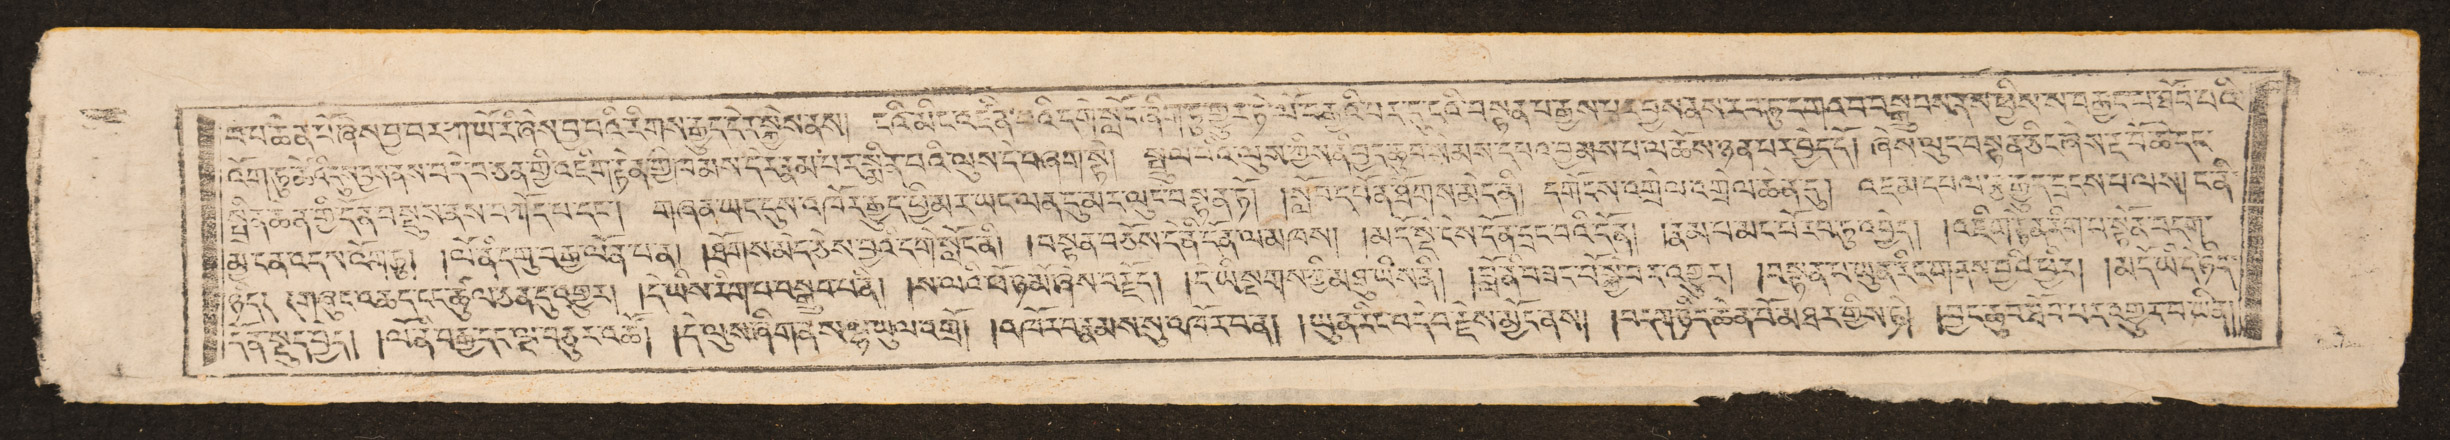བ་པ་ཆེན་པོ་ཞེས་བྱ་བར་ཀ་ཡོ་རི་ཞེས་བྱ་བའི་རིགས་རྒྱུད་དེར་སྐྱེས་ནས། ངའི་མིང་འཛིན་པའི་དགེ་སློང་ཞིག་ཏུ་གྱུར་ཏེ་ལོ་བརྒྱའི་པར་དུ་ངའི་བསྟན་པ་རྒྱས་པར་བྱས་ནས་རབ་ཏུ་དགའ་པ་བསྒྲུབས་ནས་ཕྱིས་ས་བརྒྱད་པ་ཐོབ་པའི་
འོག་ཏུ་ཚེའི་དུས་བྱས་ནས་བདེ་བ་ཅན་གྱི་འཇིག་རྟེན་གྱི་ཁམས་དེར་རྣམ་པར་སྨིན་པའི་ལུས་དེ་བཞག་སྟེ། སྤྲུལ་པའི་ལུས་ཀྱིས་ནི་བྱང་ཆུབ་སེམས་དཔའ་བྱམས་པ་ལ་ཆོས་ཉན་པར་བྱེད་དོ། ཞེས་ལུང་བསྟན་ཅིང་ཞེས་རྡ་བོ་ཆེ་དང་
སྤྲིན་ཆེན་གྱི་དོན་བསྡུས་ནས་བཀོད་པ་དང་། གཞན་ཡང་དུས་འཁོར་རྒྱུད་ཕྱི་མར་ཡང་ལན་དུ་མར་ལུང་བསྟན་ཏོ། །སློབ་དཔོན་ཐོགས་མེད་ནི། དགོངས་འགྲེལ་འགྲེལ་ཆེན་དུ། འཇམ་དཔལ་རྩ་རྒྱུད་དྲངས་བ་ལས། ང་ནི་
མྱ་ངན་འདས་འོག་ཏུ། །ལོ་ནི་དགུ་བརྒྱ་ལོན་པ་ན། །ཐོགས་མེད་ཅེས་བྱའི་དགེ་སློང་ནི། །བསྟན་བཅོས་དེ་ནི་དོན་ལ་མཁས། །མདོ་སྡེ་ངེས་དོན་དྲང་བའི་དོན། །རྣམ་པ་མང་པོ་རབ་ཏུ་འབྱེད། །འཇིག་རྟེན་རིག་པ་སྟོན་བདག་
ཉིད༑ ༑གཞུང་འཆད་དང་ཚུལ་ཅན་དུ་འགྱུར། །དེ་ཡིས་རིག་པ་བསྒྲུབ་པ་ནི། །ས་ལའི་ཕོ་ཉ་མོ་ཞེས་བརྗོད། །དེ་ཡི་སྔགས་ཀྱི་མཐུ་ཡིས་ནི། །བློ་ནི་བཟང་པོ་སྐྱེ་བར་འགྱུར། །བསྟན་པ་ཡུན་རང་གནས་བྱའི་ཕྱིར། །མདོ་ཡིད་ཉིད་
དོན་སྡུད་བྱེད། །ལོ་ནི་བརྒྱ་དང་ལྔ་བཅུར་འཚོ། །དེ་ལུས་ཞིག་ནས་ལྷ་ཡུལ་འགྲོ། །འཁོར་བ་རྣམས་སུ་འཁོར་བ་ན། །ཡུན་རིང་བདེ་བ་རྗེས་མྱོང་ནས། །བདག་ཉིད་ཆེན་པོ་མཐར་གྱིས་ཏེ། །བྱང་ཆུབ་ཐོབ་པར་འགྱུར་པ་ཡིན་